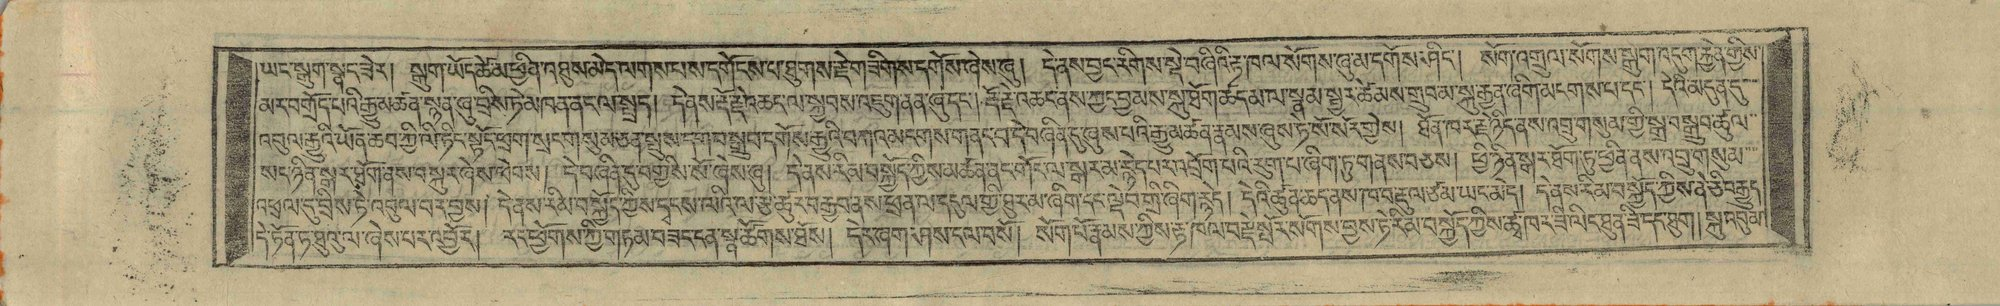ཡང་སྒུག་སྣང་ཟེར། སྒུག་ཡོད་ཚེ་མ་ཕྱིན་འཐུས་མེད་ལགས་པས་དགོངས་པ་ཐུགས་རྗེ་གཟིགས་དགོས་ཞེས་ཞུ། དེ་ནས་བྱང་རིགས་སྡེ་བཞིའི་རྟ་ཁལ་སོགས་ཞུ་མ་དགོས་ཤིང་། སོགས་འགྲུལ་སོགས་སྒུག་འདུག་རྐྱེན་གྱིས་
མར་བགྲོད་པའི་རྒྱུ་མཚན་སྙན་ཞུ་བྲིས་ཏེ་མཁན་ནང་ལ་སྤྲད། དེ་ནས་རྡོ་རྗེ་འཆང་ལ་སྐྱབས་འཇུག་ནན་ཞུ་དང་། རྡོ་རྗེ་འཆང་ནས་ཀྱང་བྱམས་སྐུ་ཐོག་ཚད་མ་ལ་སྣམ་སྦྱར་ཚེམས་གྲུབ་མ་སྐུ་རྒྱན་ཞིག་མངགས་པ་དང་། དེའི་མདུན་དུ་
འབུལ་རྒྱུའི་ཡོན་ཆབ་ཀྱི་ལི་ཏིང་སྟོང་ཕྲག་སྲང་གསུམ་ཅན་སྤུས་དག་བསྒྲུབ་དགོས་རྒྱུའི་བཀའ་མངགས་གནང་བ་དེ་བཞིན་དུ་ཞུས་པའི་རྒྱུ་མཚན་རྣམས་ཞུས་ཏེ་སོ་སོར་གྱེས། ཐོན་ཁར་རྗེ་ཉིད་ནས་འབྲུ་གསུམ་གྱི་སྒྲ་བསྒྲུབ་ཚུལ་
སང་ཉིན་སྒར་ཐོག་ནས་བསྐུར་ཞེས་ཕེབས། དེ་བཞིན་དུ་བགྱིས་སོ་ཞེས་ཞུ། དེ་ནས་རིམ་བསྐྱོད་ཀྱིས་མཚན་ནང་གོང་ལ་སྒར་མ་རྙེད་པར་འབྲོག་པའི་རུག་པ་ཞིག་ཏུ་གནས་བཅས། ཕྱི་ཉིན་སྒར་ཐོག་ཏུ་ཕྱིན་ནས་འབྲུ་གསུམ་
འཕྲལ་དུ་བྲིས་ཏེ་འབུལ་བར་བྱས། དེ་ནས་རིམ་བསྐྱོད་ཀྱིས་དྭངས་ལའི་ལ་རྩ་ཚུར་བརྒྱབ་ནས་ཕྲན་ལ་དངུལ་གྱི་ཐུར་མ་ཞིག་དང་ལྡེབ་གྲི་ཞིག་རྙེད། དེའི་ཚུན་ཆད་ནས་ཁ་བ་རྡུལ་ཙམ་ཡང་མེད། དེ་ནས་རིམ་བསྐྱོད་ཀྱིས་ནེ་ཅི་བརྒྱུད་
དེ་ཏོན་ཏ་ཐུའུ་ལ་ཞེས་པར་འབྱོར། རང་ཕྱོགས་ཀྱི་གཏམ་བཟང་ངན་སྣ་ཚོགས་ཐོས། དེར་ཞག་ཤས་ངལ་བསོ། སོག་པོ་རྣམས་ཀྱིས་རྟ་ཁལ་བརྫེ་སྤོར་སོགས་བྱས་ཏེ་རིམ་བསྐྱོད་ཀྱིས་ཚྭ་ཁར་ཟི་ལིང་ཐུན་ཟི་དང་ཐུག །སྐུ་འབུམ་